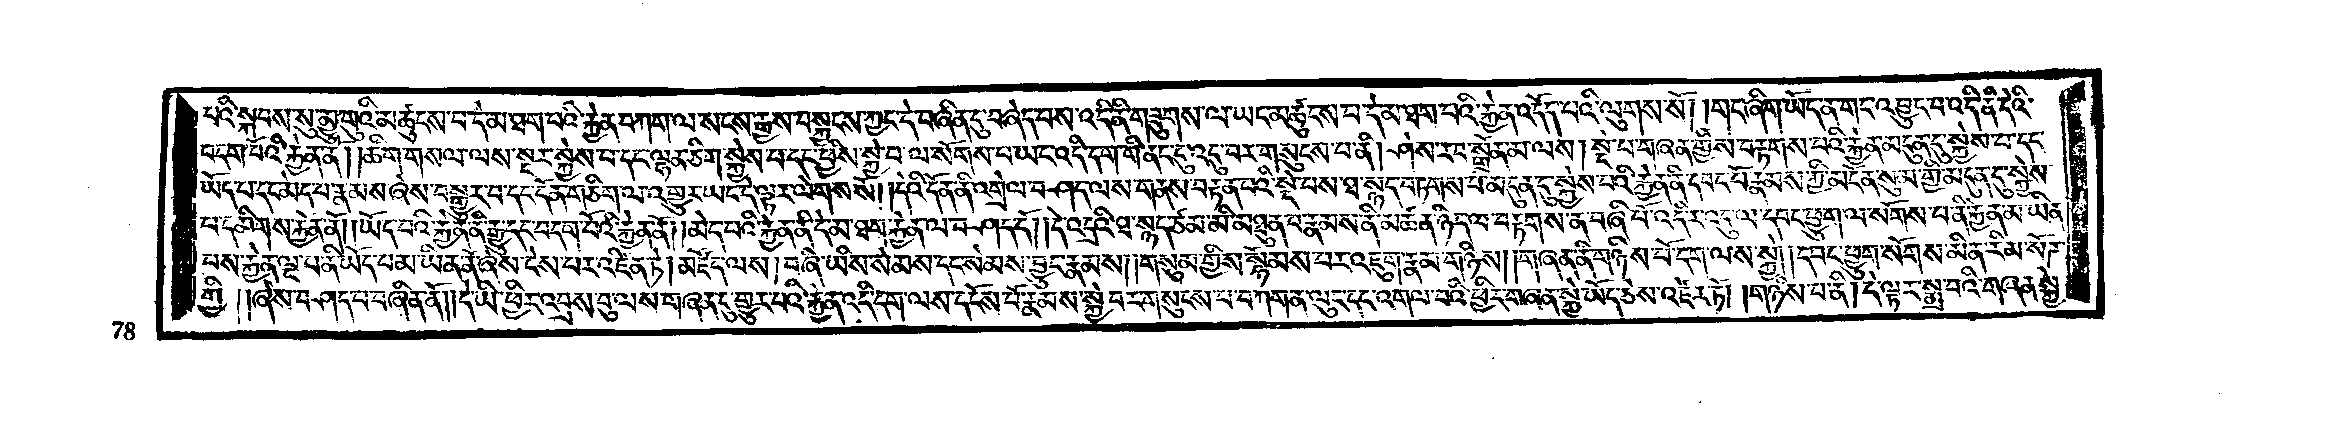པའི་སྐབས་སུ་མྱུ་གུའི་མཚུངས་པ་དེ་མ་ཐག་པའི་རྐྱེན་བཀག་ལ་སངས་རྒྱས་བསྐྱངས་ཡང་དེ་བཞིན་དུ་བཞེད་པས་འདི་ནི་གཟུགས་ལ་ཡང་མཚུངས་པ་དེ་མ་ཐག་པའི་རྐྱེན་འདོད་པའི་ལུགས་སོ། །གང་ཞིག་ཡོད་ན་གང་འབྱུང་བ་འདི་ནི་དེའི་
བདག་པོའི་རྐྱེན་ནོ། །ཚིག་གསལ་ལས་སྔར་སྐྱེས་པ་དང་ལྷན་ཅིག་སྐྱེས་པ་དང་ཕྱིས་སྐྱེ་བ་ལ་སོགས་པ་ཡང་འདི་དག་གི་ནང་དུ་འདུ་བར་གསུངས་པ་ནི། ཤེས་རབ་སྒྲོན་མ་ལས། སྡེ་པ་གཞན་གྱིས་བརྟགས་པའི་རྐྱེན་མདུན་དུ་སྐྱེས་པ་དང་
ཡོད་པ་དང་མེད་པ་རྣམས་ཞེས་བསྒྱུར་བ་དང་དོན་གཅིག་ལ་འགྱུར་ཡང་དེ་ལྟར་ལེགས་སོ། །དེའི་དོན་ནི་འགྲེལ་བཤད་ལས་གནས་བརྟན་པའི་སྡེ་པས་ཐ་སྙད་བཏགས་པ་མདུན་དུ་སྐྱེས་པའི་རྐྱེན་ནི་དབང་པོ་རྣམས་ཀྱི་མངོན་སུམ་གྱི་མདུན་དུ་སྐྱེས་
པ་དམིགས་རྐྱེན་ནོ། །ཡོད་པའི་རྐྱེན་ནི་རྒྱུ་དང་བདག་པོའི་རྐྱེན་ནོ། །མེད་པའི་རྐྱེན་ནི་དེ་མ་ཐག་རྐྱེན་ལ་བཤད་དོ། །དེ་འདྲའི་ཐ་སྙད་ཙམ་མི་མཐུན་པ་རྣམྶོ། །རང་གི་ངོ་བོས་གྲུབ་པའི་གཞན་བཀག་པའི་སྒོ་ནས་གཞན་སྐྱེ་འགོག་པ་ལ་
པས་རྐྱེན་ལྔ་པ་ནི་ཡོད་པ་མ་ཡིན་ནོ་ཞེས་ངེས་པར་འཛིན་ཏེ། མཛོད་ལས། བཞི་ཡིས་སེམས་དང་སེམས་བྱུང་རྣམས། །གསུམ་གྱིས་སྙོམས་པར་འཇུག་རྣམ་གཉིས། །གཞན་ནི་གཉིས་པོ་དག་ལས་སྐྱེ། །དབང་ཕྱུག་སོགས་མིན་རིམ་སོཌ་
ཕྱིར། །ཞེས་བཤད་པ་བཞིན་ནོ། །དེ་ཡི་ཕྱིར་འབྲས་བུ་ལས་གཞན་དུ་གྱུར་པའི་རྐྱེན་འདི་དག་ལས་དངོས་པོ་རྣམས་སྐྱེ་བར་གསུངས་པ་བཀག་ན་ལུང་དང་འགལ་བའི་ཕྱིར་གཞན་སྐྱེ་ཡོད་ཅེས་འཛིན་ཏོ། །གཉིས་པ་ནི། དེ་ལྟར་སྨྲ་བའི་གཞན་སྐྱེ་